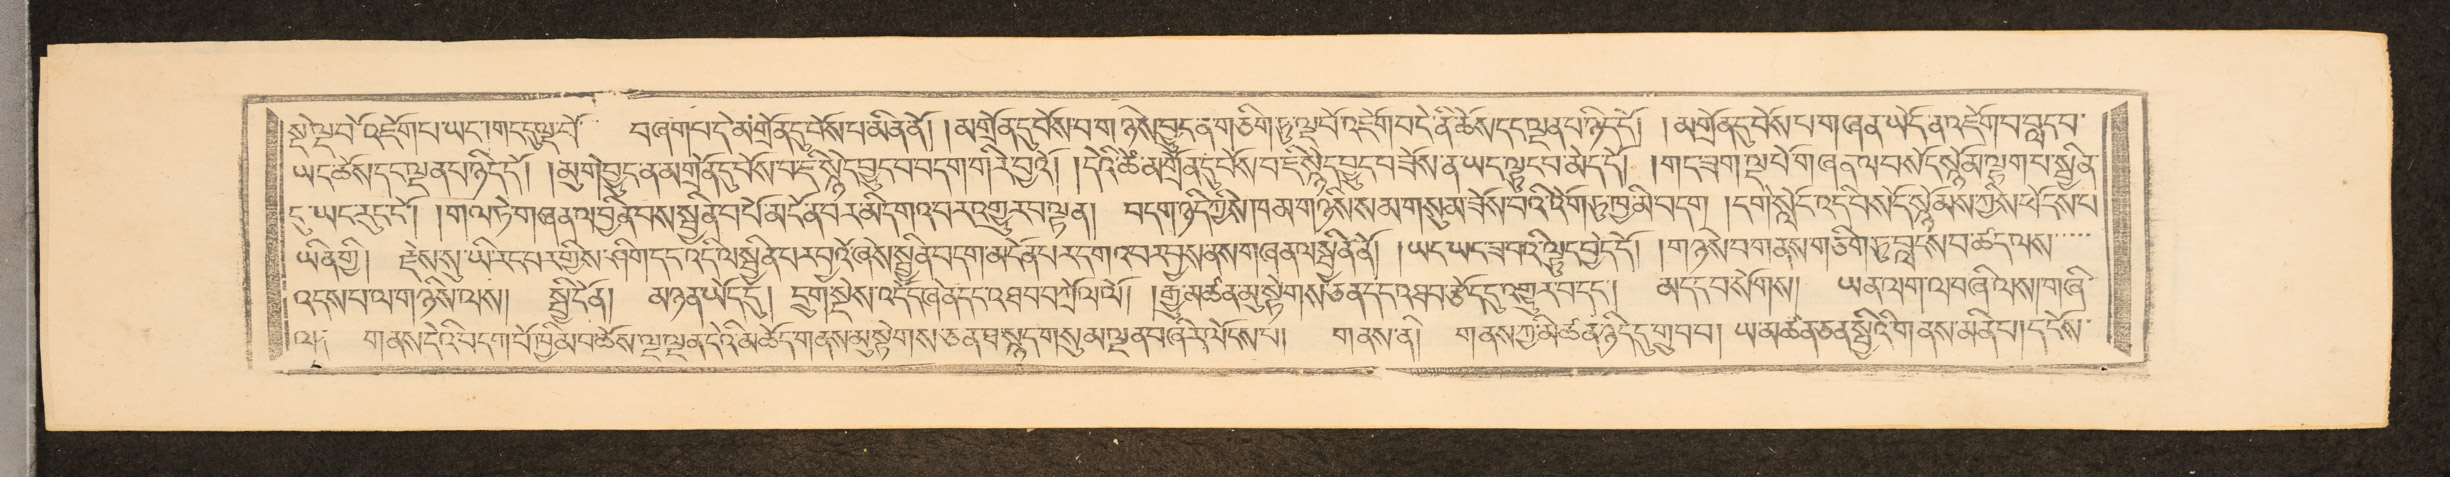སྡེ་ལྔ་པོ་འཇོག་པ་ཡང་། གང་དུ་ལྔ་པོ་བཞག་པ་དེ་མགྲོན་དུ་བོས་པ་མིན་ནོ། །མགྲོན་དུ་བོས་པ་གཉིས་བྱུང་ན་གཅིག་ཏུ་ལྔ་པོ་འཇོག་པ་དེ་ནི་ཆོས་དང་ལྡན་པ་ཉིད་དོ། །མགྲོན་དུ་བོས་པ་གཞན་ཡོད་ན་འཇོག་པ་བླང་བ་
ཡང་ཆོས་དང་ལྡན་པ་ཉིད་དོ། །མུ་གེ་བྱུང་ན་མགྲོན་དུ་བོས་པ་ཇི་སྙེད་བྱུང་བ་བདག་གིར་བྱའོ། །དེའི་ཚེ་མགྲོན་དུ་བོས་པ་ཇི་སྙེད་བྱུང་བ་ཟོས་ན་ཡང་ལྟུང་བ་མེད་དོ། །གང་ཟག་ལྔ་པོ་གཞན་ལ་བསོད་སྙོམ་ལྷག་པ་སྦྱིན་
དུ་ཡང་རུང་ངོ། །གལ་ཏེ་གཞན་ལ་བྱིན་པས་སྦྱིན་པ་པོ་མངོན་པར་མི་དགའ་བར་འགྱུར་བ་ལྟ་ན། བདག་ཉིད་ཀྱིས་ཁམ་གཉིས་སམ་གསུམ་ཟོས་པའི་འོག་ཏུ་ཁྱིམ་བདག །དགེ་སློང་འདི་བསོད་སྙོམས་ཀྱིས་ཕོངས་པ་
ཡིན་གྱི། རྗེས་སུ་ཡི་རང་བར་གྱིས་ཤིག་དང་འདི་ལ་སྦྱིན་པར་བྱའོ་ཞེས་སྦྱིན་བདག་མངོན་པར་དགའ་བར་བྱས་ནས་གཞན་ལ་སྦྱིན་ནོ། །ཡང་ཡང་ཟ་བའི་ལྟུང་བྱེད་དོ། །གཉིས་པ་གནས་གཅིག་ཏུ་བླངས་པ་ཚད་ལས་
འདས་པ་ལ་གཉིས་ལས། སྤྱི་དོན། མཉན་ཡོད་དུ། དྲུག་སྡེས་འདོད་ཞེན་དང་འཐབ་བཀྲོལ་ལོ། །རྒྱུ་མཚན་མུ་སྟེགས་ཅན་དང་འཐབ་རྩོད་དུ་འགྱུར་བ་དང་། མ་དད་པ་སོགས། ཡན་ལག་ལ་བཞི་ལས། གཞི་
ལ༑ གནས་དེའི་བདག་པོ་ཁྱིམ་པ་ཆོས་ལྔ་ལྡན་དེའི་མཆོད་གནས་མུ་སྟེགས་ཅན་ཐ་སྙད་གསུམ་ལྡན་བཞིར་ལོངས་པ། གནས་ནི། གནས་ཀྱི་མཚན་ཉིད་དུ་གྲུབ་པ། ཡ་མཚན་ཅན་སྤྱིའི་གནས་མིན་པ། དངོས་